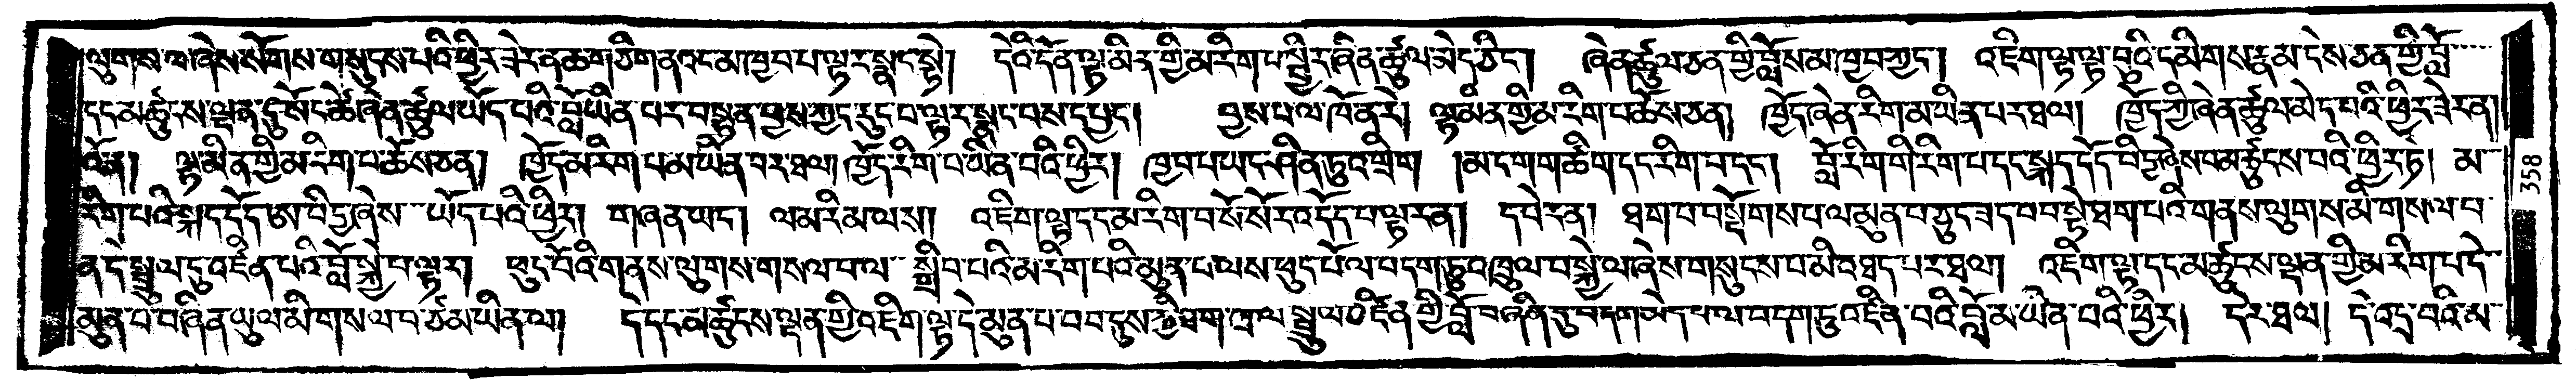ལུགས་ལ་ཞེས་སོགས་གསུངས་པའི་ཕྱིར་ཟེར་ན་ཆ་གཅིག་ནའང་མ་ཁྱབ་པ་ལྟར་སྣང་སྟེ། དེའི་དོན་ལྟ་མིན་གྱི་མ་རིག་པ་སྤྱིར་ཞེན་ཚུལ་མེད་ཅིང་། ཞེན་ཚུལ་ཅན་གྱི་བློས་མ་ཁྱབ་ཀྱང་། འཇིག་ལྟ་ལྟ་བུའི་དམིགས་རྣམ་ངེས་ཅན་གྱི་བློ་
དང་མཚུངས་ལྡན་དུ་སོང་ཚེ་ཞེན་ཚུལ་ཡོད་པའི་བློ་ཡིན་པར་བསྟན་བྱས་ཀྱང་རུང་བ་ལྟར་སྣང་བས་དཔྱད། བྱས་པ་ལ་ཁོ་ན་རེ། ལྟ་མིན་གྱི་མ་རིག་པ་ཆོས་ཅན། ཁྱོད་ཞེན་རིག་མ་ཡིན་པར་ཐལ། ཁྱོད་ཀྱི་ཞེན་ཚུལ་མེད་པའི་ཕྱིར་ཟེར་ན།
འོ་ན། ལྟ་མིན་གྱི་མ་རིག་པ་ཆོས་ཅན། ཁྱོད་མ་རིག་པ་མ་ཡིན་པར་ཐལ། ཁྱོད་རིག་པ་ཡིན་པའི་ཕྱིར། ཁྱབ་པ་ཡང་ཤིན་ཏུ་འགྲིག །མ་དགག་ཚིག་དང་རིག་པ་དང་། བློ་རིག་གི་རིག་པ་དང་སྐད་དོད་བིདྱ་ཞེས་པ་མཚུངས་པའི་ཕྱིར་ཏེ། མ་
རིག་པའི་སྐད་དོད་ཨ་བིདྱ་ཞེས་ཡོད་པའི་ཕྱིར། གཞན་ཡང་། ལམ་རིམ་ལས། འཇིག་ལྟ་དང་མ་རིག་པ་སོ་སོར་འདོད་པ་ལྟར་ན། དཔེར་ན། ཐག་པ་བསྡོགས་པ་ལ་མུན་པ་ཅུང་ཟད་བབ་སྟེ་ཐག་པའི་གནས་ལུགས་མི་གསལ་བ་
ན་དེ་སྦྲུལ་དུ་འཛིན་པའི་བློ་སྐྱེ་བ་ལྟར། ཕུང་པོའི་གནས་ལུགས་གསལ་བ་ལ་སྒྲིབ་པའི་མ་རིག་པའི་མུན་པ་ལས་ཕུང་པོ་ལ་བདག་ཏུ་འཁྲུལ་བ་སྐྱེ་ལ་ཞེས་གསུངས་པ་མི་འཐད་པར་ཐལ། འཇིག་ལྟ་དང་མཚུངས་ལྡན་གྱི་མ་རིག་པ་དེ་
མུན་པ་བཞིན་ཡུལ་མི་གསལ་བ་ཙམ་ཡིན་ལ། དེ་དང་མཚུངས་ལྡན་གྱི་འཇིག་ལྟ་དེ་མུན་པ་བབ་དུས་ཀྱི་ཐག་ཁྲ་ལ་སྦྲུལ་འཛིན་གྱི་བློ་བཞིན་དུ་བདག་མེད་པ་ལ་བདག་ཏུ་འཛིན་པའི་བློ་མ་ཡིན་བའི་ཕྱིར། དེར་ཐལ། དེ་འདྲ་བའི་མ་